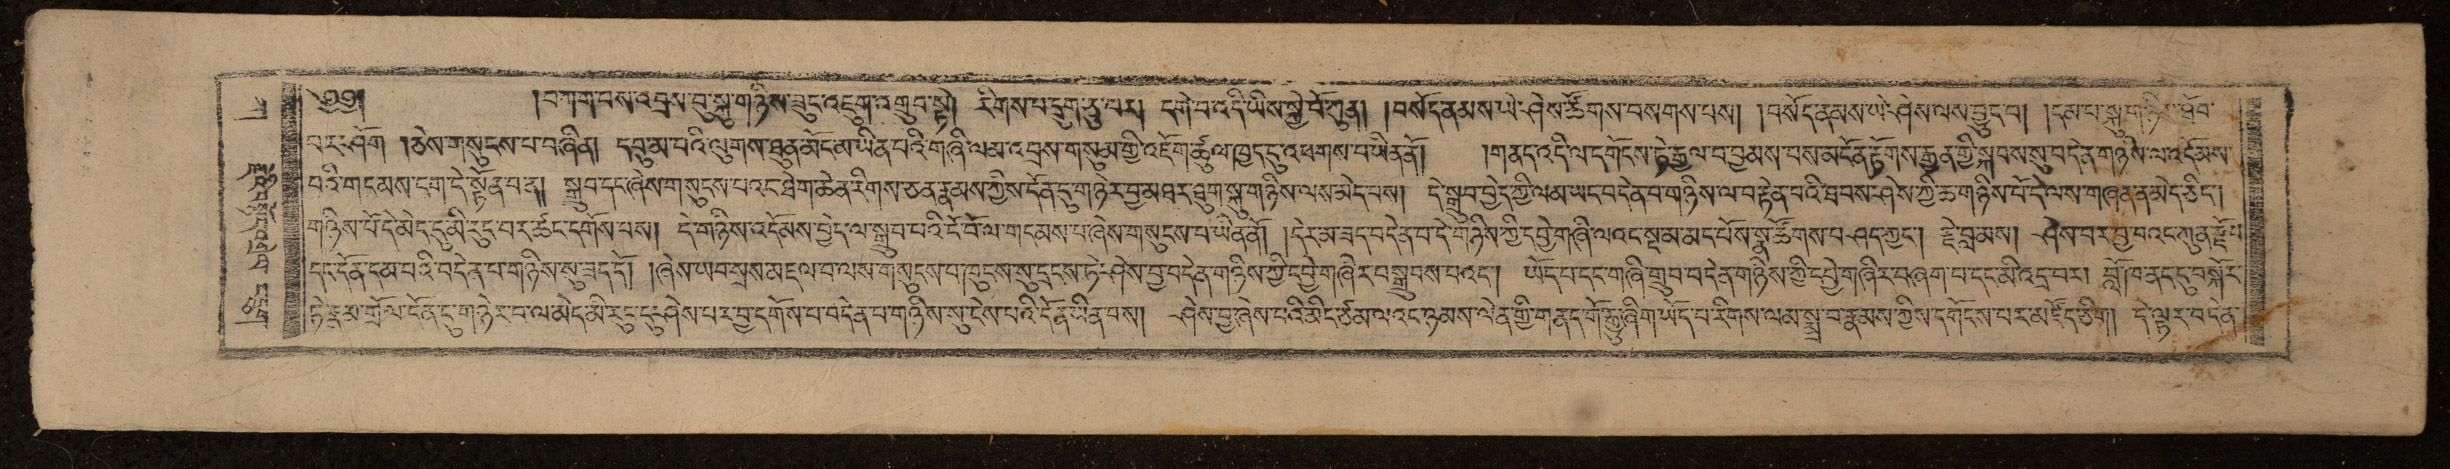༄༅། །བཀག་པས་འབྲས་བུ་སྐུ་གཉིས་ཟུང་འཇུག་འགྲུབ་སྟེ། རིགས་པ་དྲུག་ཅུ་པར། དགེ་བ་འདི་ཡིས་སྐྱེ་བོ་ཀུན། །བསོད་ནམས་ཡེ་ཤེས་ཚོགས་བསགས་པས། །བསོད་ནམས་ཡེ་ཤེས་ལས་བྱུང་བ། །དམ་པ་སྐུ་གཉིས་ཐོབ་
པར་ཤོག །ཅེས་གསུངས་པ་བཞིན། དབུམ་པའི་ལུགས་ཐུན་མོང་མ་ཡིན་པའི་གཞི་ལམ་འབྲས་གསུམ་གྱི་འཇོག་ཚུལ་ཁྱད་དུ་འཕགས་པ་ཡིན་ནོ། །གནད་འདི་ལ་དགོངས་ཏེ་རྒྱལ་བ་བྱམས་པས་མངོན་རྟོགས་རྒྱན་གྱི་སྐབས་སུ་བདེན་གཉིས་ལ་འདོམས་
པའི་གདམས་ངག་དེ་སྟོན་པ་ན། སྒྲུབ་དང་ཞེས་གསུངས་པའང་ཐེག་ཆེན་རིགས་ཅན་རྣམས་ཀྱིས་དོན་དུ་གཉེར་བྱ་མཐར་ཐུག་སྐུ་གཉིས་ལས་མེད་པས། དེ་སྒྲུབ་བྱེད་ཀྱི་ལམ་ཡང་བདེན་པ་གཉིས་ལ་བརྟེན་པའི་ཐབས་ཤེས་ཀྱི་ཆ་གཉིས་པོད་ལས་གཞན་མེད་ཅིང་།
གཉིས་པོ་དེ་མེད་དུ་མི་རུང་བར་ཚང་དགོས་པས། དེ་གཉིས་འདོམས་བྱེད་ལ་སྒྲུབ་པའི་ངོ་བོ་ལ་གདམས་པ་ཞེས་གསུངས་པ་ཡིན་ནོ། །དེར་མ་ཟད་བདེན་བ་དེ་གཉིས་ཀྱི་དབྱེ་གཞི་ལའང་སྔ་མ་མང་པོས་སྣ་ཚོགས་བཤད་ཀྱང་། རྗེ་བླ་མས། ཤེས་པར་བྱ་བའང་ཀུན་རྫོབ་
དང་དོན་དམ་པའི་བདེན་པ་གཉིས་སུ་ཟད་དོ། །ཞེས་ཡབ་སྲས་མཇལ་བ་ལས་གསུངས་བ་ཁུངས་སུ་དྲངས་ཏེ་ཤེས་བྱ་བདེན་གཉིས་ཀྱི་དབྱེ་གཞིར་བསྒྲུབས་བའང་། ཡོད་བ་དང་གཞི་གྲུབ་བདེན་གཉིས་ཀྱི་དབྱེ་གཞིར་བཞག་པ་དང་མི་འདྲ་བར། བློ་ཁ་ནང་དུ་བསྐོར་
ཏེ་རྣམ་གྲོལ་དོན་དུ་གཉེར་བ་ལ་མེད་མི་རུང་དུ་ཤེས་པར་བྱ་དགོས་པ་འདེན་པ་གཉིས་སུ་ངེས་པའི་དོན་ཡིན་ངས། ཤེས་བྱ་ཞེས་པའི་མིང་ཙམ་ལའང་ཉམས་ལེན་གྱི་གནད་གོ་རྒྱུ་ཞིག་ཡོད་པ་རིགས་ལམ་སྨྲ་བ་རྣམས་ཀྱིས་དགོངས་པར་མཛོད་ཅིག །དེ་ལྟར་བདེན་